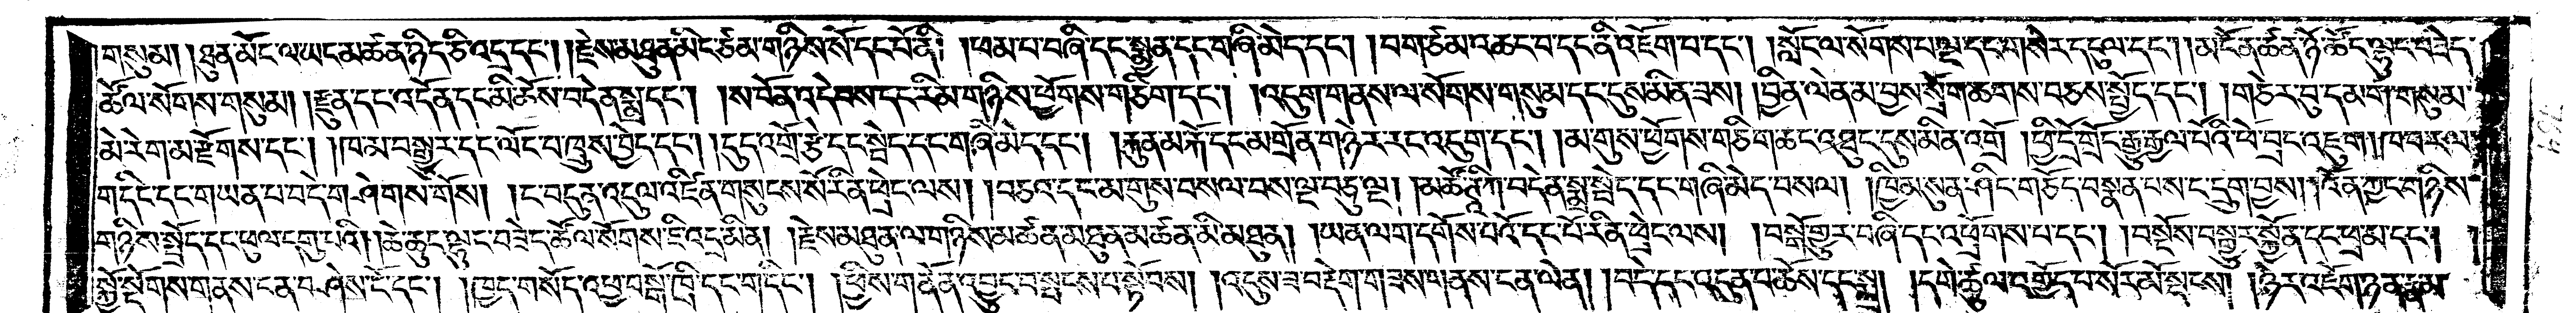གསུམ། །ཐུན་མོང་ལ་ཡང་མཚན་ཉིད་ཅི་འདྲ་དང་། །རྗེས་མཐུན་མིང་ཙམ་གཉིས་སོ་དང་པོ་ནི། །ཕམ་པ་བཞི་དང་སྨྱན་དང་གཞི་མེད་དང་། །བག་ཙམ་འཆང་བ་དང་ནི་འཇོག་པ་དང་། །སློང་ལ་སོགས་པ་ལྔ་དང་གསེར་དབུལ་དང་། །མངོན་ཚན་ཉོ་ཚོང་ལྷུང་བཟེད་
ཚོལ་སོགས་གསུམ། །རྫུན་དང་འདོན་དང་མི་ཆོས་བདེན་སྨྲ་དང་། །ས་བོན་འདེབས་དང་རིམ་གཉིས་ཕྱོགས་གཅིག་དང་། །འདུག་གནས་ལ་སོགས་གསུམ་དང་དུས་མིན་ཟས། །བྱིན་ལེན་མ་བྱས་སྲོག་ཆགས་བཅས་སྤྱོད་དང་། །གཅེར་བུ་དམག་གསུམ་
མེ་རེག་མ་རྫོགས་དང་། །ཁམ་བསྒྱུར་དང་ལོང་བ་ཁྲུས་བྱེད་དང་། །དུད་འགྲོ་རྩེ་དང་སྦེད་དང་གཞི་མེད་དང་། །རྐུན་མ་རྐོ་དང་མགྲོན་གཉེར་རང་འདྲུག་དང་། །མ་གུས་ཕྱོགས་གཅིག་ཆང་འཐུང་དུས་མིན་འགྲོ་།ཕྱི་དྲོ་གྲོང་རྒྱུ་རྒྱལ་པོའི་ཕོ་བྲང་འཇུག །ཁབ་རལ་
གདིང་དང་གཡན་པ་བདེ་གཤེགས་གོས། །ང་བདུན་འདུལ་འཛིན་གསུངས་སོ་རིན་ཕྲེང་ལས། །བཅའ་དང་མ་གུས་བསལ་བས་ལྔ་བཅུ་ལྔ། །མཚོ་ཊཱིཀ་བདེན་སྨྲ་སྦེད་དང་གཞི་མེད་བསལ། །ཁྱིམ་སུན་ཤིང་གཅོད་བསྣན་པས་ང་དྲུག་བྱས། །འོན་ཀྱང་གཉིས་
གཉིས་སྤྲོད་དང་ཕུལ་དགུ་པའི། །ཆེ་ཆུང་ལྷུང་བཟེད་ཚོལ་སོགས་ཇི་འདྲ་མིན། །རྗེས་མཐུན་ལ་གཉིས་མཚན་མཐུན་མཚན་མི་མཐུན། །ཡན་ལག་དགོས་པའོ་དང་པོ་རིན་ཕྲེང་ལས། །བསྒོ་གྱུར་བཞི་དང་འཕྲོགས་པ་དང་། །བསྡོས་བསྒྱུར་སྐྱོན་དང་ཕྲ་མ་དང་། །
སྐྱེ་སྡོགས་གནས་ངན་བཤེས་ངོ་དང་། །ཁྱད་གསོད་འཕྱ་བསྒོ་ཁྲི་དང་གདིང་། །ཕྱིས་གནོན་འབྱུང་བ་སྤངས་བ་སྟོབས། །འདུས་ཟ་བརྡེག་གཟས་གནས་ངན་ལེན། །བདེ་དང་འདུན་པ་ཆོས་དང་སྨྲ། །དགེ་ཚུལ་འགྱོད་པ་སོར་མོ་སྡངས། །ཉེར་འཇོག་ཉན་རྣམ་